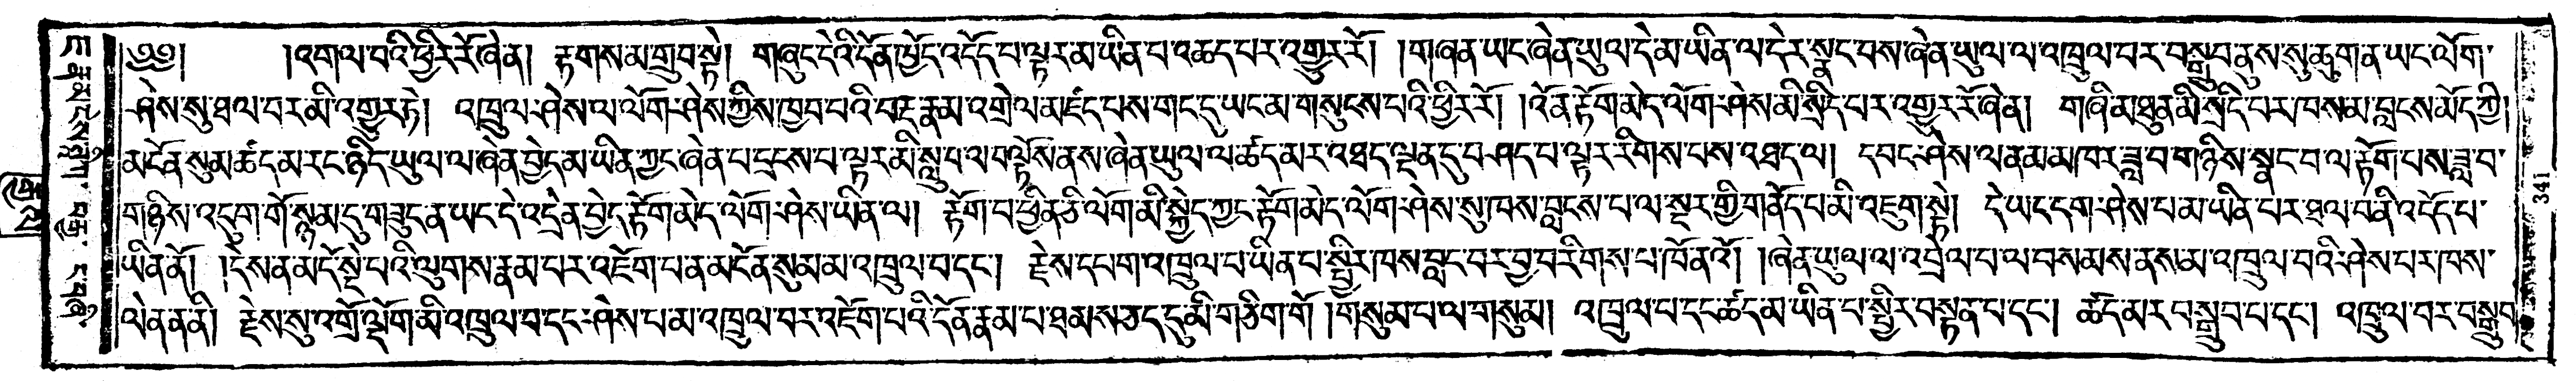༄༅། །འགལ་བའི་ཕྱིར་རོ་ཞེ་ན། རྟགས་མ་གྲུབ་སྟེ། གཞུང་དེའི་དོན་ཁྱོད་འདོད་པ་ལྟར་མ་ཡིན་པ་འཆད་པར་འགྱུར་རོ། །གཞན་ཡང་ཞེན་ཡུལ་དེ་མ་ཡིན་ལ་དེར་སྣང་བས་ཞེན་ཡུལ་ལ་འཁྲུལ་བར་བསྒྲུབ་ནུས་སུ་ཆུག་ན་ཡང་ལོག་
ཤེས་སུ་ཐལ་བར་མི་འགྱུར་ཏེ། འཁྲུལ་ཤེས་ལ་ལོག་ཤེས་ཀྱིས་ཁྱབ་པའི་བརྡ་རྣམ་འགྲེལ་མཛད་པས་གང་དུ་ཡང་མ་གསུངས་པའི་ཕྱིར་རོ། །འོ་ན་རྟོག་མེད་ལོག་ཤེས་མི་སྲིད་པར་འགྱུར་རོ་ཞེ་ན། གཞི་མཐུན་མི་སྲིད་པར་ཁས་མ་བླངས་མོད་ཀྱི།
མངོན་སུམ་ཚད་མ་རང་ཉིད་ཡུལ་ལ་ཞེན་བྱེད་མ་ཡིན་ཀྱང་ཞེན་པ་དྲངས་པ་ལྟར་མི་སླུ་བ་ལ་བལྟོས་ནས་ཞེན་ཡུལ་ལ་ཚད་མར་འཐད་ལྡན་དུ་བཤད་པ་ལྟར་རིགས་པས་འཐད་ལ། དབང་ཤེས་ལ་ནམ་མཁར་ཟླ་བ་གཉིས་སྣང་བ་ལ་རྟོག་པས་ཟླ་བ་
གཉིས་འདུག་གོ་སྙམ་དུ་གཟུང་ན་ཡང་དེ་འདྲེན་བྱེད་རྟོག་མེད་ལོག་ཤེས་ཡིན་ལ། རྟོག་པ་ཕྱིན་ཅི་ལོག་མི་སྐྱེད་ཀྱང་རྟོག་མེད་ལོག་ཤེས་སུ་ཁས་བླངས་པ་ལ་སྔར་གྱི་གནོད་པ་མི་འཇུག་སྟེ། དེ་ཡང་དག་ཤེས་པ་མ་ཡིན་པར་ཐལ་བ་ནི་འདོད་པ་
ཡིན་ནོ། །དེས་ན་མདོ་སྡེ་པའི་ལུགས་རྣམ་པར་འཇོག་པ་ན་མངོན་སུམ་མ་འཁྲུལ་བ་དང་། རྗེས་དཔག་འཁྲུལ་པ་ཡིན་པ་སྤྱིར་ཁས་བླང་བར་བྱ་བ་རིགས་པ་ཁོ་ནའོ། །ཞེན་ཡུལ་ལ་འབྲེལ་པ་ལ་བསམས་ནས་མ་འཁྲུལ་བའི་ཤེས་པར་ཁས་
ལེན་ན་ནི། རྗེས་སུ་འགྲོ་ལྡོག་མི་འཁྲུལ་བ་དང་ཤེས་པ་མ་འཁྲུལ་བར་འཇོག་པའི་དོན་རྣམ་པ་ཐམས་ཅད་དུ་མི་གཅིག་གོ །གསུམ་པ་ལ་གསུམ། འཁྲུལ་པ་དང་ཚད་མ་ཡིན་པ་སྤྱིར་བསྟན་པ་དང་། ཚད་མར་བསྒྲུབ་པ་དང་། འཁྲུལ་བར་བསྒྲུབ་